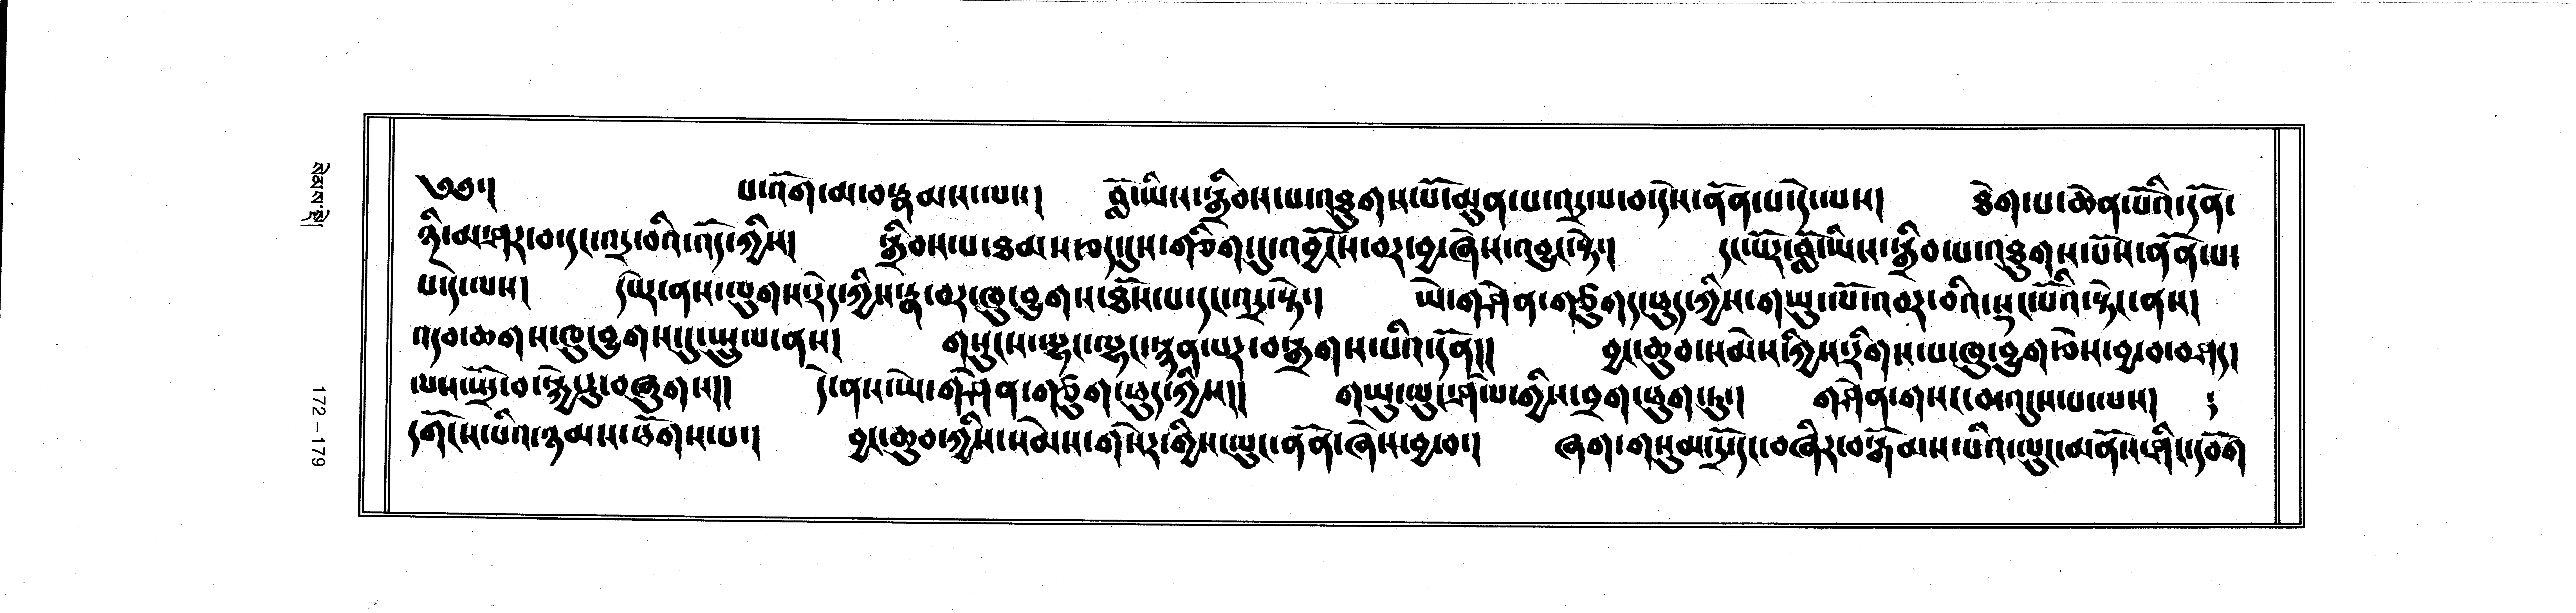འོག་མ་བ་རྣམས་ལས། བློ་ཡིས་སྒྲིབ་པ་འཐུགས་པོ་མུན་པ་འདྲ་བ་དེས་ནོན་པ་དེ་ལས། ཐེག་པ་ཆེན་པོའི་དོན་
ཉི་མ་ཤར་བ་དང་འདྲ་བའི་འོད་ཀྱིས། སྒྲིབ་པ་ཐམས་ཅད་དུས་གཅིག་དུ་འབྱོངས་བར་བྱ་ཞེས་འབྱུང་སྟེ། དང་པོར་བློ་ཡིས་སྒྲིབ་པ་འཐུགས་པོས་ནོན་པ་
དེ་ལས། དཔེར་ནས་ལུགས་རེད་ཀྱིས་རྣ་བར་ཁུ་བྱུག་ཐོས་པ་དང་འདྲ་སྟེ། ཡེ་གཤེན་གཙུག་ཕུད་ཀྱིས་གཡུ་ལོ་འབར་བའི་སྡང་པོའི་སྟེང་ནས། 
འདབ་ཆགས་ཁུ་བྱུག་དུ་སྤྲུལ་ནས། གསུངས་ལྷང་ལྷང་སྙན་པར་བསྒྲགས་པའི་དོན། བྱང་ཆུབ་སེམས་ཀྱིས་རིག་པ་ཁུ་བྱུག་ཅེས་བྱ་བ་བཤད། 
ལས་སྤྲོ་བ་སྐྱེ་རུ་བཞུགས། དེ་ནས་ཡེ་གཤེན་གཙུག་ཕུད་ཀྱིས། གཡུ་ལུང་ཤེལ་གྱིས་བྲག་ཕུག་ཏུ། གཤེན་གསང་བ་འདུས་པ་ལས། 
དགོངས་པའི་ཉམས་ཕོགས་པ། བྱང་ཆུབ་ཀྱིས་སེམས་གསེར་གྱིས་ལུང་ནོན་ཞེས་བྱ་བ། ཞག་གསུམ་དྲོ་དང་བཞིར་བསྒོམས་པའི་ལུང་མནོས་ཤིང་དབོག་